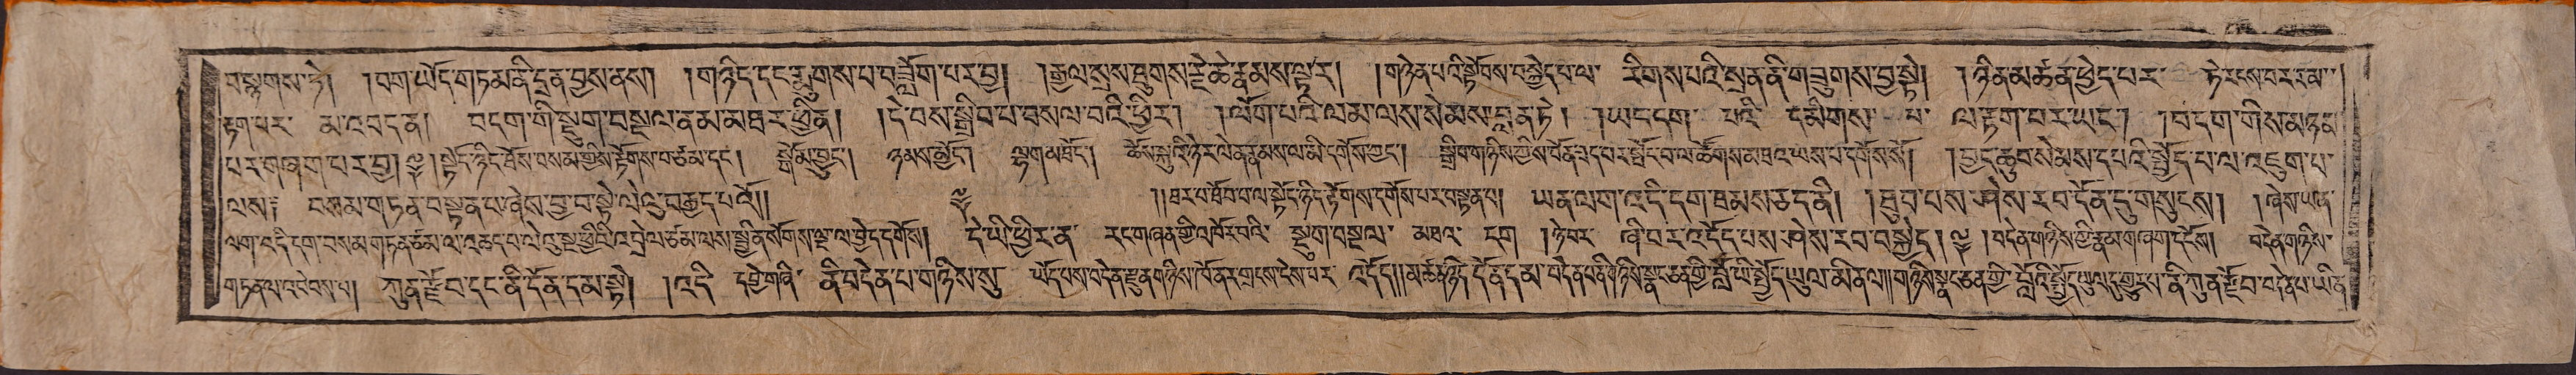བསྙགས་ཏེ། །བག་ཡོད་གཏམ་ནི་དྲན་བྱས་ནས། །གཉིད་དང་རྨུགས་པ་བཟློག་པར་བྱ། །རྒྱལ་སྲས་ཐུགས་རྗེ་ཆེ་རྣམས་ལྟར། །གཉེན་པོའི་སྟོབས་བསྐྱེད་པ་ལ་རིགས་པའི་སྲན་ནི་གཟུགས་བྱ་སྟེ། །ཉིན་མཚན་ཕྱད་པར་ཏེ་རངས་པར་རམ་
རྟག་པར་མ་འབད་ན། བདག་གི་སྡུག་བསྔལ་ནམ་མཐར་ཕྱིན། །དེ་བས་སྒྲིབ་པ་བསལ་བའི་ཕྱིར། །ལོག་པའི་ལམ་ལས་སེམས་བླན་ཏེ། །ཡང་དག་བའི་དམིགས་བ་ལ་རྟག་པར་ཡང་། །བདག་གིས་མཉམ་
པར་གཞག་པར་བྱ། ༈ །སྟོང་ཉིད་ཐོས་བསམ་གྱིས་རྟོགས་པ་ཙམ་དང་།  སྒོམ་བྱུང་། ཉམས་མྱོང་། ལྷག་མཐོང་། ཆོས་སྐུའི་ཉེར་ལེན་རྣམས་ལ་མི་དགོས་ཀྱང་། སྒྲིབ་གཉིས་ཀྱི་ས་བོན་ཟད་པར་སྤོང་པ་ལ་ཚོགས་མཐའ་ཡས་པ་དགོས་སོ།  །བྱང་ཆུབ་སེམས་དཔའི་སྤྱོད་པ་ལ་འཇུག་པ་
ལས༑ བསམ་གཏན་བསྟན་པ་ཞེས་བྱ་བ་སྟེ་ལེའུ་བརྒྱད་པའོ།། ༈ །།ཐར་པ་ཐོབ་པ་ལ་སྟོང་ཉིད་རྟོགས་དགོས་པར་བསྟན་པ།  ཡན་ལག་འདི་དག་ཐམས་ཅད་ནི། །ཐུབ་པས་ཤེས་རབ་དོན་དུ་གསུངས། །ཞེས་ཡན་
ལག་འདི་དག་བསམ་གཏན་ཙམ་ལ་འཆད་པ་ལེའུ་སྔ་ཕྱིའི་འབྲེལ་ཙམ་ལས་སྦྱིན་སོགས་ལྔ་ལ་བྱེད་དགོས། དེ་ཡི་ཕྱིར་ན་རང་གཞན་གྱི་འཁོར་བའི་སྡུག་བསྔལ་མཐའ་དག་།ཉེ་བར་ཞི་བར་འདོད་པས་ཤེས་རབ་བསྐྱེད། ༈ །བདེན་གཉིས་ཀྱི་རྣམ་གཞག་དངོས། བདེན་གཉིས་
གཏན་ལ་འབེབས་པ། ཀུན་རྫོབ་དང་ནི་དོན་དམ་སྟེ། །འདི་དབྱེ་གཞི་ནི་བདེན་པ་གཉིས་སུ་ཡོད་པས་བདེན་རྫུན་གཉིས་ཁོ་ནར་གྲངས་ངེས་པར་འདོད། །མཚན་ཉིད་དོན་དམ་བདེན་པ་ནི་གཉིས་སྣང་ཅན་གྱི་བློ་ཡི་སྤྱོད་ཡུལ་མིན་ལ། །གཉིས་སྣང་ཅན་གྱི་བློའི་སྤྱོད་ཡུལ་དུ་གྱུར་པ་ནི་ཀུན་རྫོབ་བདེན་པ་ཡིན་